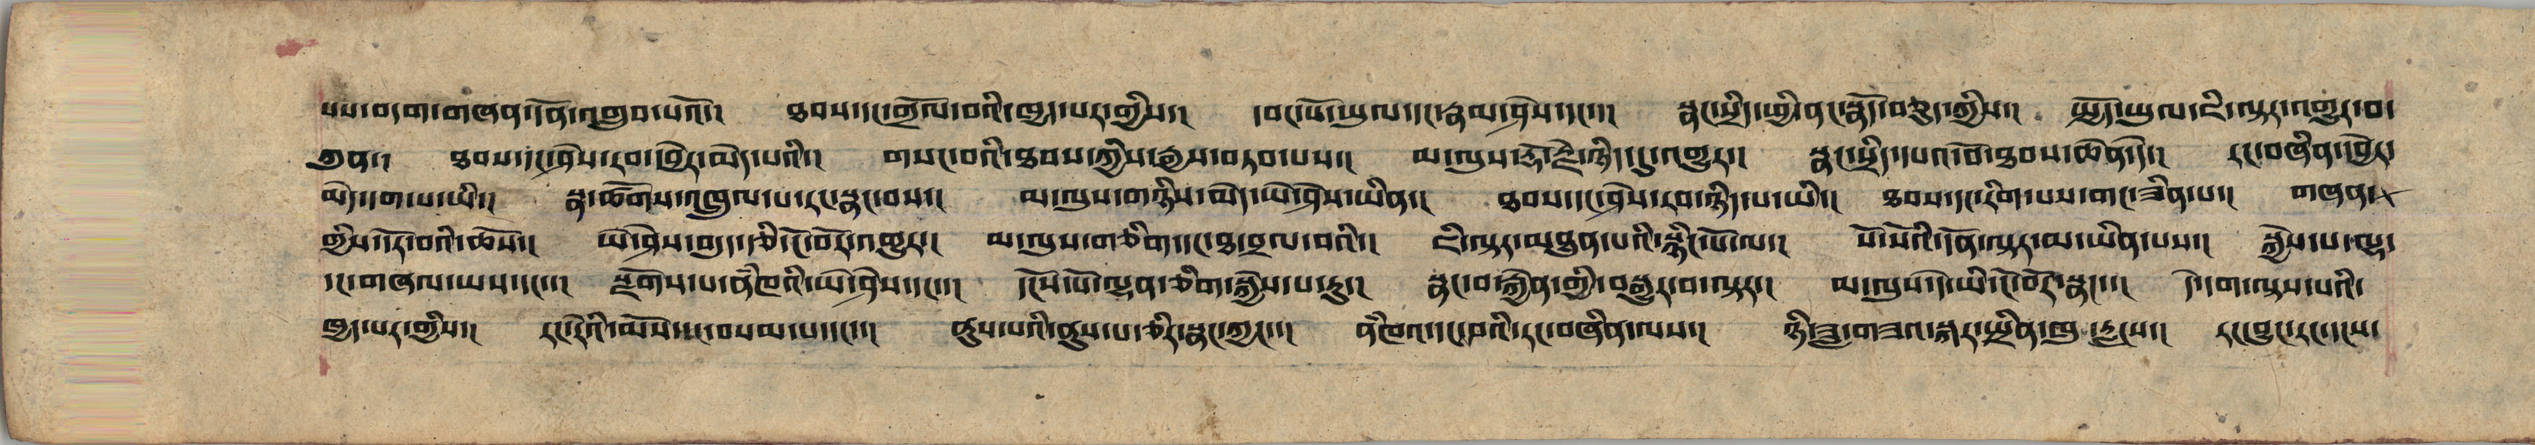པས་བདག་གཞན་དོན་འགྲུབ་པའོ་། ཐབས་དང་གྲོལ་བའི་ཁྱད་པར་གྱིས་། དབང་པོ་ཡུལ་དང་རྣམ་ཤེས་དང་་། སྣང་སྲིད་ཕྱི་ནང་སྣོད་བཅུད་གྱིས་། སྤྱོད་ཡུལ་ཇི་ལྟར་འགྱུར་བ་
ཀུན་། ཐབས་དང་ཤེས་རབ་དབྱེར་མེད་པའི་། གསང་བའི་ཐབས་ཀྱིས་རྒྱས་བཏབ་པས་། མ་ལུས་རྡོ་རྗེ་ཉིད་དུ་འགྱུར་། སྣང་སྲིད་དཔའ་བོ་ཐབས་ཆེན་དེ་། རང་བཞིན་དབྱེར་
མེད་དག་པ་ཡི་། སྣ་ཚོགས་འཁྲུལ་པ་རང་སྣང་བས་། མ་ལུས་གཉིས་མེད་ཡེ་ཤེས་ཡིན་། ཐབས་དང་ཤེས་རབ་ཉིད་པ་ཡི་། ཐབས་དང་རིག་པས་གང་ཟིན་པ་། གཞན་
གྱིས་དོར་བའི་ཆོས་། ཡེ་ཤེས་བདུད་རྩི་ངོ་བོར་འགྱུར་། མ་ལུས་གཅིག་དང་ཐ་བྲལ་བའི་། ཇི་ལྟར་མཐུན་པའི་སྙིང་པོ་ལ་། སོ་སོའི་དོན་ལྟར་མ་ཡིན་པས་། སྐྱེས་པ་ལྷ་
དང་གཞལ་ཡས་དང་་། སྫོགས་པ་ནཾཁའི་ཡེ་ཤེས་དང་་། དངོས་པོ་ལྷན་ཅིག་སྐྱེས་པ་རུ་། སྣང་བ་རྐྱེན་གྱི་བསྒྱུར་་བ་ལྟར་། མ་ལུས་དེ་ཡི་ངོ་བོར་སྣང་། དེ་དག་ལྟས་པའི་
ཁྱད་པར་གྱིས་། རང་རེའི་མོས་དང་བསམ་པ་དང་། ནུས་པའི་ནུས་པ་ཅིར་སྣང་ཀྱང་་། ནཾཁའ་དང་བའི་རང་བཞིན་ལས་། ཉི་ཟླ་གཟའ་སྐར་སྤྲིན་ཁུ་རླངས་། རང་བྱུང་རང་དངས་